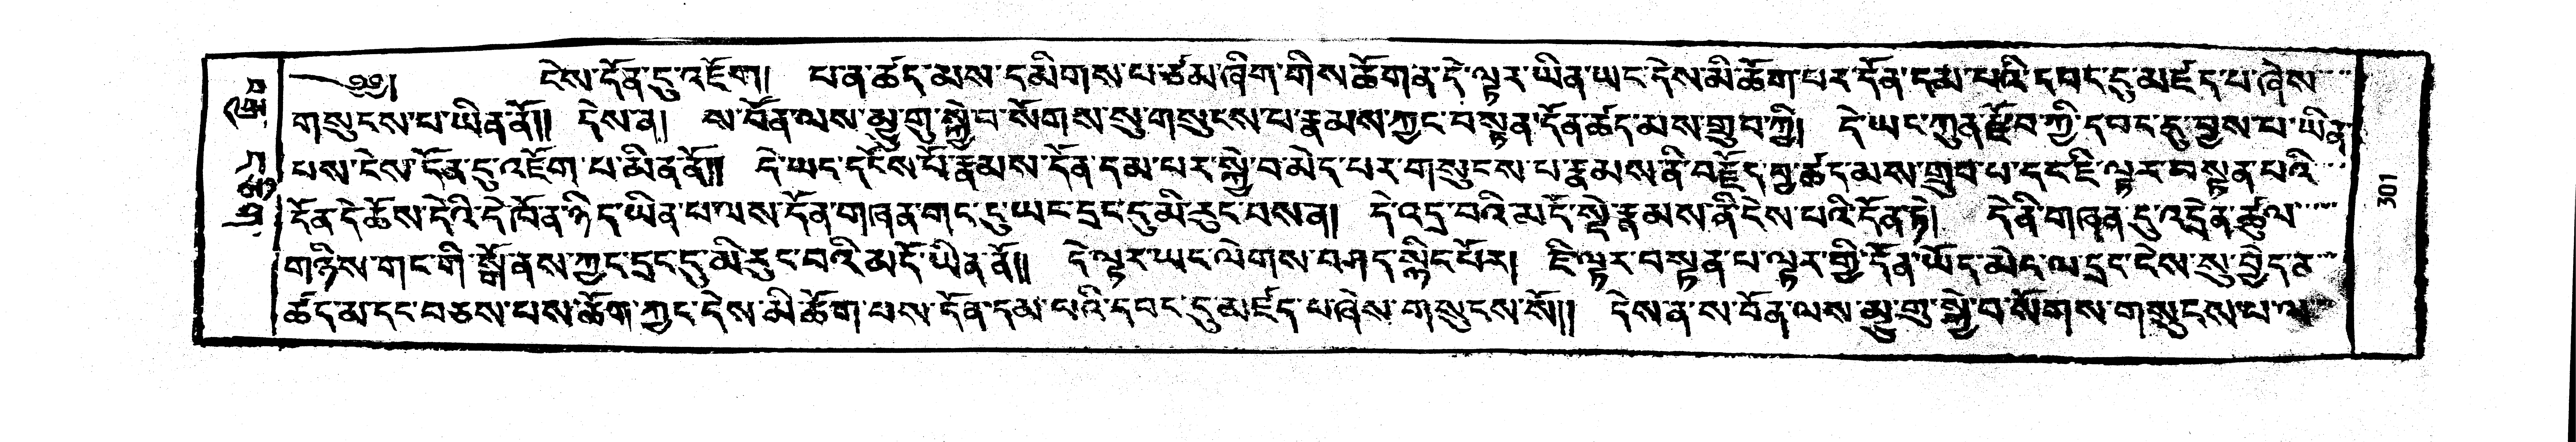༄༅། །ངེས་དོན་དུ་འཇོག །པ་ན་ཚད་མས་དམིགས་པ་ཙམ་ཞིག་གིས་ཆོག་ན་དེ་ལྟར་ཡིན་ཡང་དེས་མི་ཆོག་པར་དོན་དམ་པའི་དབང་དུ་མཛད་པ་ཞེས་
གསུངས་པ་ཡིན་ནོ། །དེས་ན། ས་བོན་ལས་མྱུ་གུ་སྐྱེ་བ་སོགས་སུ་གསུངས་པ་རྣམས་ཀྱང་བསྟན་དོན་ཚད་མས་གྲུབ་ཀྱི། དེ་ཡང་ཀུན་རྫོབ་ཀྱི་དབང་དུ་བྱས་པ་ཡིན་
པས་ངེས་དོན་དུ་འཇོག་པ་མིན་ནོ། །དེ་ཡང་དངོས་པོ་རྣམས་དོན་དམ་པར་སྐྱེ་བ་མེད་པར་གསུངས་པ་རྣམས་ནི་བརྗོད་བྱ་ཚད་མས་གྲུབ་པ་དང་ཇི་ལྟར་བསྟན་པའི་
དོན་དེ་ཆོས་དེའི་དེ་ཁོ་ན་ཉིད་ཡིན་པ་ལས་དོན་གཞན་གང་དུ་ཡང་དྲང་དུ་མི་རུང་བས་ན། དེ་འདྲ་བའི་མདོ་སྡེ་རྣམས་ནི་ངེས་པའི་དོན་ཏེ། དེ་ནི་གཞན་དུ་འདྲེན་ཚུལ་
གཉིས་གང་གི་སྒོ་ནས་ཀྱང་དྲང་དུ་མི་རུང་བའི་མདོ་ཡིན་ནོ། །དེ་ལྟར་ཡང་ལེགས་བཤད་སྙིང་པོར། ཇི་ལྟར་བསྟན་པ་ལྟར་གྱི་དོན་ཡོད་མེད་ལ་དྲང་ངེས་སུ་བྱེད་ན་
ཚད་མ་དང་བཅས་པས་ཆོག་ཀྱང་དེས་མི་ཆོག་པས་དོན་དམ་པའི་དབང་དུ་མཛད་པ་ཞེས་གསུངས་སོ། །དེས་ན་ས་བོན་ལས་མྱུ་གུ་སྐྱེ་བ་སོགས་གསུངས་པ་ལ་